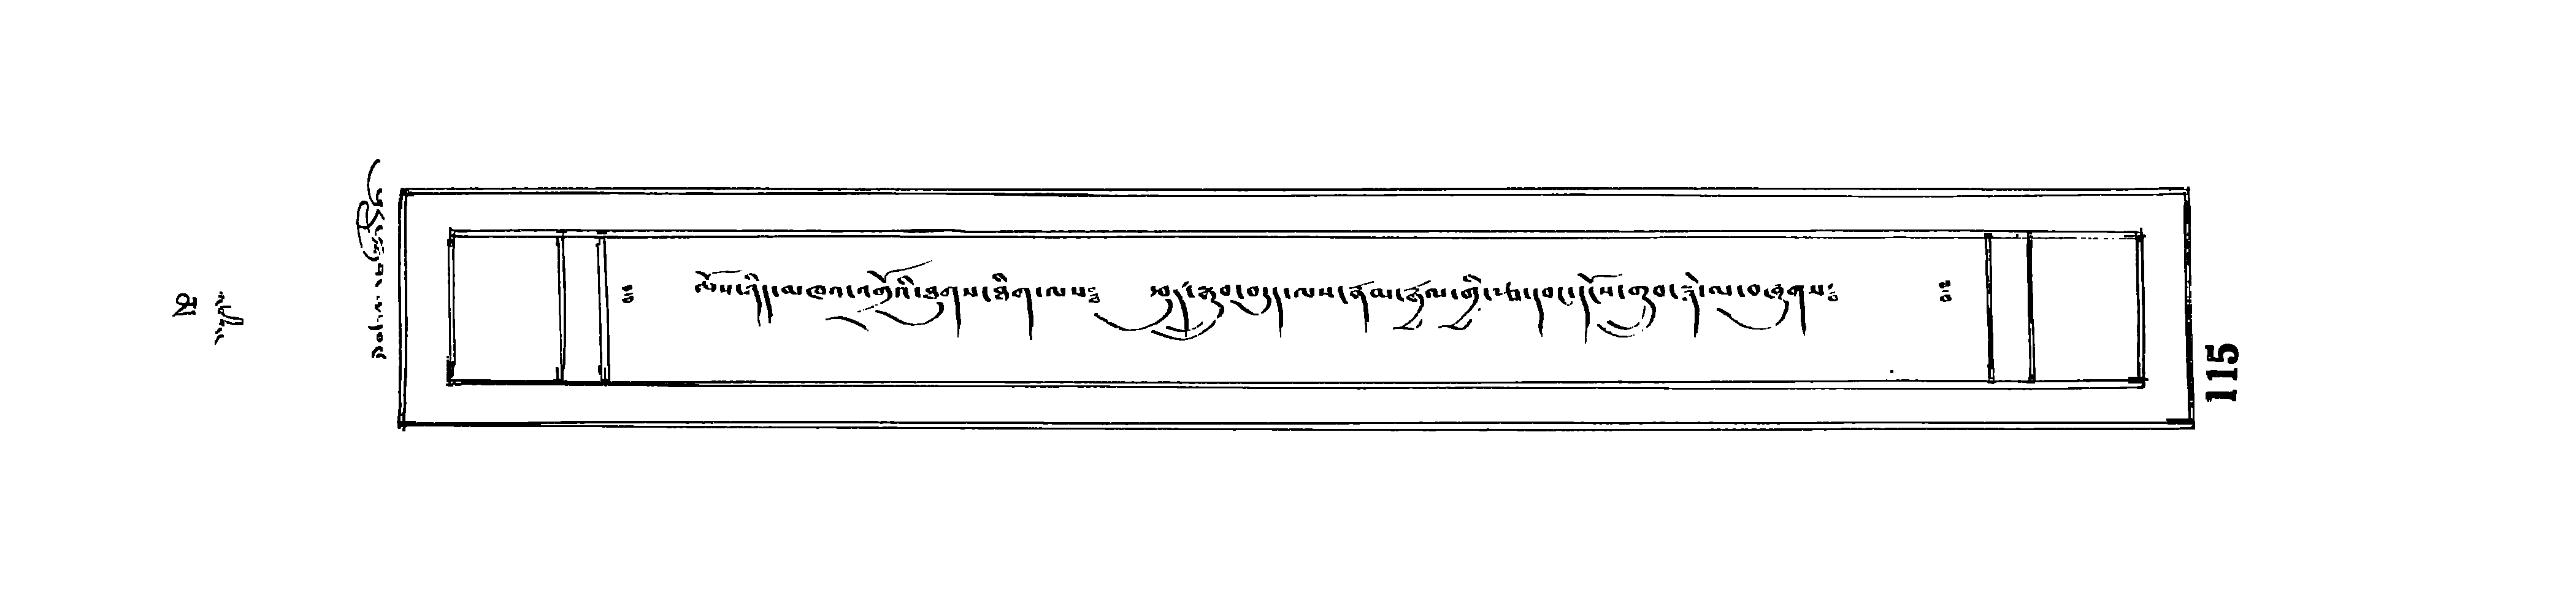ཆོས་ཉིད་མཁའ་འགྲོའི་ཐུགས་ཐིག་ལས༔ ཕུར་སྒྲུབ་བདུད་ལས་རྣམ་རྒྱལ་གྱི་རྩ་དབང་དངོས་གྲུབ་སྙེ་མ་བཞུགས༔